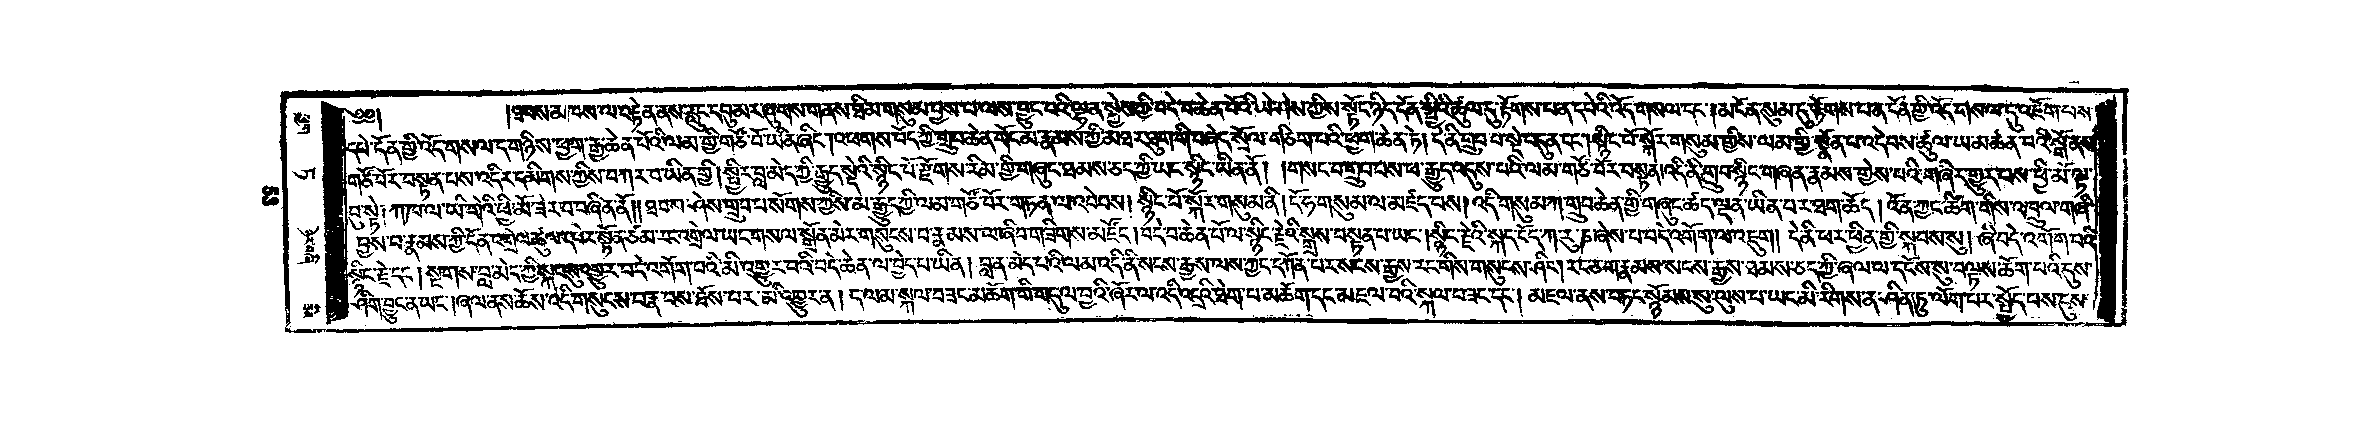༄༅། །ཐབས་མཁས་ལ་བརྟེན་ནས་རླུང་དབུ་མར་ཞུགས་གནས་ཐིམ་གསུམ་བྱས་པ་ལས་བྱུང་བའི་ལྷན་སྐྱེས་ཀྱི་བདེ་བ་ཆེན་པོའི་ཡེ་ཤེས་ཀྱིས་སྟོང་ཉིད་དོན་སྤྱིའི་ཚུལ་དུ་རྟོགས་པ་ན་དཔེའི་འོད་གསལ་དང་། མངོན་སུམ་དུ་རྟོགས་པ་ན་དོན་གྱི་འོད་གསལ་དུ་འཇོག་པས་
དཔེ་དོན་གྱི་འོད་གསལ་ད་གཉིས་ཕྱག་རྒྱ་ཆེན་པོའི་ལམ་གྱི་གཙོ་བོ་ཡིན་ཞིང་། འཕགས་བོད་ཀྱི་གྲུབ་ཆེན་གོང་མ་རྣམས་ཀྱི་མཐར་ཐུག་གི་བཞེད་སྲོལ་གཅིག་པའི་ཕྱག་ཆེན་ཏེ། དེ་ནི་གྲུབ་པ་སྡེ་བདུན་དང་། སྙིང་པོ་སྐོར་གསུམ་གྱིས་ལམ་གྱི་སྣོན་པ་འདེབས་ཚུལ་ཡ་མཚན་པའི་སྒོ་ནས་
གཙོ་བོར་བསྟན་པས་འདིར་དམིགས་ཀྱིས་བཀར་བ་ཡིན་གྱི། སྤྱིར་བླ་མེད་ཀྱི་རྒྱུད་སྡེའི་སྙིང་པོ་རྫོགས་རིམ་གྱི་གཞུང་ཐམས་ཅད་ཀྱི་ཡང་སྙིང་ཡིན་ནོ། །གསང་བ་གྲུབ་པས་ཕ་རྒྱུད་འདུས་པའི་ལམ་གཙོ་བོར་བསྟན། འདི་ནི་གྲུབ་སྙིང་གཞན་རྣམས་གྱེས་པའི་གཞིར་གྱུར་པས་ཕྱི་མོ་ལྟ་
བུ་སྟེ། ཀ་ཁ་ལ་ཡི་གེའི་ཕྱི་མོ་ཟེར་བ་བཞིན་ནོ། །ཐབས་ཤེས་གྲུབ་པ་སོགས་ཀྱིས་མ་རྒྱུད་ཀྱི་ལམ་གཙོ་བོར་གཏན་ལ་འབེབས། སྙིང་པོ་སྐོར་གསུམ་ནི། དོ་ཧ་གསུམ་ལ་མཛད་པས། འདི་གསུམ་ཀ་གྲུབ་ཆེན་གྱི་གཞུང་ཚད་ལྡན་ཡིན་པར་ཐག་ཆོད། འོན་ཀྱང་ཚིག་གིས་འཁྲུལ་གཞི་
བྱས་པ་རྣམས་ཀྱི་དོན་འགྲེལ་ཚུལ་དཔེར་སྟོན་ཙམ་རང་འགྲེལ་ཡང་གསལ་སྒྲོན་མེར་གསུངས་པ་རྣམས་ལ་ཞིབ་གཟིགས་མཛོད། བདེ་བ་ཆེན་པོ་ལ་སྙིང་རྗེའི་སྒྲས་བསྟན་པ་ཡང་། སྙིང་རྗེའི་སྐད་ངོད་ཀ་རུ་ཎ་ཞེས་པ་བདེ་འགོག་ལ་འཇུག །དེ་ནི་ཕར་ཕྱིན་གྱི་སྐབས་སུ། ཞི་བདེ་འགོག་པའི་
སྙིང་རྗེ་དང་། སྔགས་བླ་མེད་ཀྱི་སྐབས་སུ་འགྱུར་བདེ་འགོག་པའི་མི་འགྱུར་བའི་བདེ་ཆེན་ལ་བྱེད་པ་ཡིན། བླ་ན་མེད་པའི་ལམ་འདི་ནི་སངས་རྒྱས་ལས་ཀྱང་དཀོན་པར་སངས་རྒྱས་རང་གིས་གསུངས་ཤིང་། རང་ཅག་རྣམས་སངས་རྒྱས་ཐམས་ཅད་ཀྱི་ཞལ་ལ་དངོས་སུ་བལྟས་ཆོག་པའི་དུས་
ཤིག་བྱུང་ན་ཡང་། ཞལ་ནས་ཆོས་འདི་གསུངས་པ་རྣ་བས་ཐོས་པར་མི་འགྱུར་ན། ད་ལམ་སྐལ་བཟང་མཆོག་གི་གདུལ་བྱའི་ཞོར་ལ་འདི་འདྲའི་ཐེག་པ་མཆོག་དང་མཇལ་བའི་སྐལ་བཟང་དང་། མཇལ་ནས་བཏང་སྙོམས་སུ་ལུས་པ་ཡང་མི་རིགས་ན་ཤིན་ཏུ་ལོག་པར་སྤྱོད་པས་དུས་